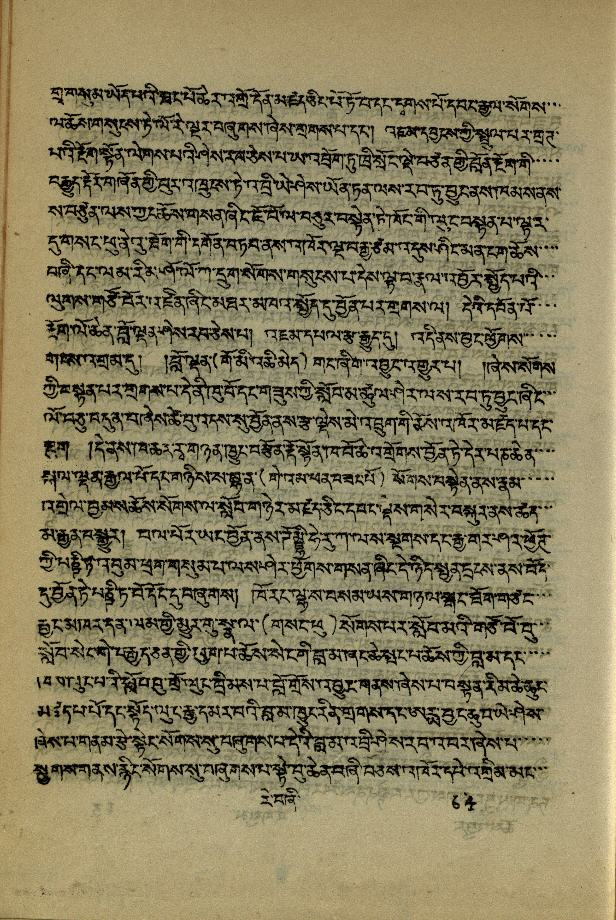གྲྭ་གསུམ་ཡོད་པའི་ཐང་པོ་ཆེར་འགྲོ་དོན་མཛད་ཅིང་པོ་ཏོ་བ་དང་དྭགས་པོ་དབང་རྒྱལ་སོགས་
ལ་ཆོས་གསུངས་ཏེ་ལོ་རེ་ལྔར་བཞུགས་ཞེས་གྲགས་པ་དང་། འཇམ་དབྱངས་ཀྱི་སྤྲུལ་པར་གྲཊ་
པའི་རྔོག་སྟོན་ལེགས་པའི་ཤེས་རབ་ཅེས་པ་ཡ་འབྲོག་ཏུ་ཁྲི་སྲོང་ལྡེ་བཙུན་གྱི་བློན་རྔོག་གི་
བརྒྱུད་རྡོར་གཞོན་གྱི་བུར་འཁྲུངས་ཏེ་འབྲི་ཡེ་ཤེས་ཡོན་ཏན་ལས་རབ་ཏུ་བྱུང་ནས་ཁམས་ནས་
ས་བཙུན་ལས་ཀྱང་ཆོས་གསན་ཞིང་ཇོ་བོ་ལ་བཅུར་བསྟེན་ཏེ་ཁོང་གི་ལུང་བསྟན་པ་ལྟར་
དུ་གསང་ཕུ་ནེའུ་ཐོག་གི་དགོན་བཏབ་ནས་འཁོར་ལྔ་བརྒྱ་ཙམ་འདུས་ཤིང་མན་ངག་ཆོས་
བཞི་དང་ལམ་རིམ་ཤོ་ལོ་ཀ་དྲུག་སོགས་གསུངས་པ་དེས་ལྟ་བ་རྣལ་འབྱོར་སྤྱོད་པའི་
ལུགས་གཙོ་བོར་འཛིན་ཞིང་མཐར་མཁའ་སྤྱོད་དུ་བྱོན་པར་གྲགས་ལ། དེའི་དབོན་པོ་
རྔོག་ལོ་ཆེན་བློ་ལྡན་ཤེས་རབ་ཅེས་པ། འཇམ་དཔལ་རྩ་རྒྱུད་དུ། འདི་ནས་བྱུང་ཕྱོགས་
གངས་འགྲམ་དུ། །བློ་ལྡན་གོ་མི་འཆི་མེད་གང་ཞིག་འབྱུང་འགྱུར་པ། །ཞེས་སོགས་
ཀྱི་བསྟན་པར་གྲགས་པ་དེ་ནི་ཁུ་བོ་དང་གཟུས་ཀྱི་སློབ་མ་ཚུལ་ཤེར་ལས་རབ་ཏུ་བྱུང་ཞིང་
ལོ་བཅུ་བདུན་བཞེས་ཚེ་བུ་འདས་སུ་བྱོན་ནས་རྩ་ལྡེས་མེ་འབྲུག་གི་ཆོས་འཁོར་མཛད་པ་དང་
སྡུག །དེ་ནས་ཁ་ཆར་རྭ་གཉན་ཁྱུང་བརྩོན་རྡོ་སྟོན་ཁ་བོ་ཆེ་འགྲོགས་བྱོན་ཏེ་དེར་པཎ་ཆེན་
སྐལ་ལྡན་རྒྱལ་པོ་དང་གཉིས་ས་བྷ་ན་གེ་འམ་ཕན་བཟང་པོ་སོགས་བསྟེན་ནས་རྣམ་
འགྲེལ་བྱམས་ཆོས་སོགས་ལ་སློབ་གཉེར་མཛད་ཅིང་དབང་ལྡེས་གསེར་བསྐུར་ནས་ཚད་
མ་རྒྱན་བསྒྱུར། བལ་པོར་ཡང་བྱོན་ནས་ཊོམྦྷི་ཧེ་རུ་ཀ་ལས་སྔགས་དང་རྒྱ་གར་ཤར་ཕྱོཊ་
ཀྱི་པཎྜི་ཏ་འབུམ་ཕྲག་གསུམ་པ་ལས་ཤེར་ཕྱོགས་གསན་ཞིང་དེ་ཉིད་སྤྱན་དྲངས་ནས་བོད་
དུ་བྱོན་ཏེ་པཎྜི་ཏ་བོ་དོང་དུ་བཞུགས། ཁོ་རང་ལྷ་ས་བསམ་ཡས་གཉལ་སྒང་ཐོག་གཙང་
རྒྱང་མཁར་དན་ལམ་གྱི་མྱུར་གུ་སྣ་ལ་གསང་ཕུ་སོགས་པར་སློབ་མའི་གཙོ་བོ་བུ་
སློབ་སེང་གེ་བརྒྱད་ཅན་གྱི་ཕྱག་པ་ཆོས་སེང་གི་བླ་མ་ཞང་ཆེ་སྤང་པ་ཆོས་ཀྱི་བླ་མ་དང་
བ་ལུང་པའི་སློབ་བུ་གྲོ་ལུང་བྲི་མས་པ་བློ་གྲོས་འབྱུང་གནས་ཞེས་པ་བསྟན་རིམ་ཆེ་ཆུང་
མཛད་པ་པོ་དང་སྟོད་ལུང་རྒྱ་དམར་བའི་བླ་མ་ཁྱུང་རིན་གྲགས་དང་ཨརྱ་བྱང་ཆུབ་ཡེ་ཤེས་
ཞེས་པ་གནམ་རྩེ་སྟེང་སོགས་སུ་བཞུགས་བ་དེའི་བླ་མ་འབྲི་ཤེས་རབ་འབར་ཞེས་པ་
སྐྱགས་གནས་རྙིང་སོགས་སུ་བཞུགས་པ་སྟེ་བུ་ཆེན་བཞི་བཅས་འཁོར་དཔེ་འགྲིམ་མང་